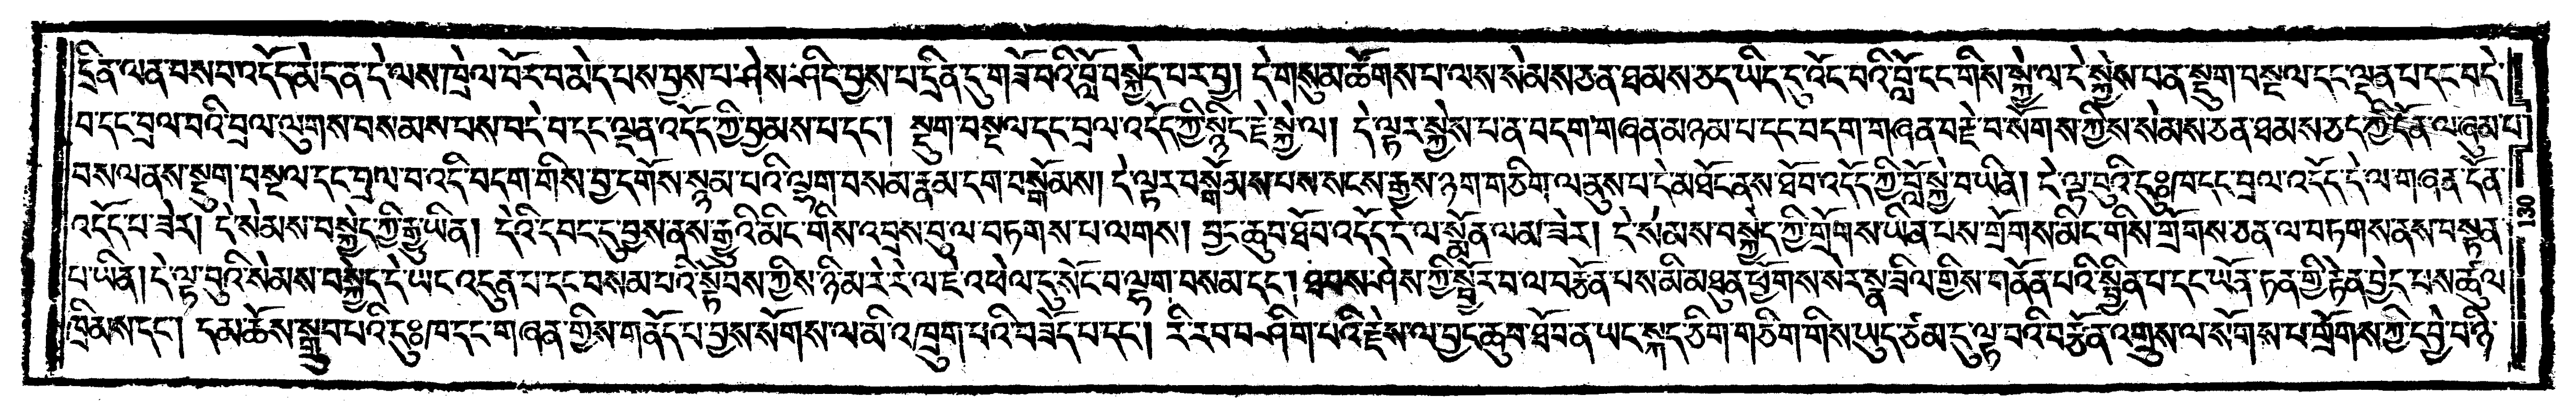དྲིན་ལན་བསབ་འདོད་མེད་ན་དེ་ལས་ཁྲེལ་བོར་བ་མེད་པས་བྱས་པ་ཤེས་ཤིང་བྱས་པ་དྲིན་དུ་གཟོ་བའི་བློ་བསྐྱེད་པར་བྱ། དེ་གསུམ་ཚོགས་པ་ལས་སེམས་ཅན་ཐམས་ཅད་ཡིད་དུ་འོང་བའི་བློ་དང་གིས་སྐྱེ་ལ་དེ་སྐྱེས་པ་ན་སྡུག་བསྔལ་དང་ལྡན་པ་དང་བདེ་
བ་དང་བྲལ་བའི་བྲལ་ལུགས་བསམས་པས་བདེ་བ་དང་ལྡན་འདོད་ཀྱི་བྱམས་པ་དང་། སྡུག་བསྔལ་དང་བྲལ་འདོད་ཀྱི་སྙིང་རྗེ་སྐྱེ་ལ། དེ་ལྟར་སྐྱེས་པ་ན་བདག་གཞན་མཉམ་པ་དང་བདག་གཞན་བརྗེ་བ་སོགས་ཀྱིས་སེམས་ཅན་ཐམས་ཅད་ཀྱི་དོན་ལ་ཞུམ་པ་
བསལ་ནས་སྡུག་བསྔལ་དང་བྲལ་བ་འདི་བདག་གིས་བྱ་དགོས་སྙམ་པའི་ལྷག་བསམ་རྣམ་དག་བསྒོམས། དེ་ལྟར་བསྒོམས་པས་སངས་རྒྱས་ཉག་གཅིག་ལ་ནུས་པ་དེ་མཐོང་ནས་ཐོབ་འདོད་ཀྱི་བློ་སྐྱེ་བ་ཡིན། དེ་ལྟ་བུའི་དུཿ ཁ་དང་བྲལ་འདོད་དེ་ལ་གཞན་དོན་
འདོད་པ་ཟེར། དེ་སེམས་བསྐྱེད་ཀྱི་རྒྱུ་ཡིན། དེའི་དབང་དུ་བྱས་ནས་རྒྱུའི་མིང་གིས་འབྲས་བུ་ལ་བཏགས་པ་ལགས། བྱང་ཆུབ་ཐོབ་འདོད་དེ་ལ་སྨོན་ལམ་ཟེར། དེ་སེམས་བསྐྱེད་ཀྱི་གྲོགས་ཡིན་པས་གྲོགས་མིང་གིས་གྲོགས་ཅན་ལ་བཏགས་ནས་བསྟན་
པ་ཡིན། དེ་ལྟ་བུའི་སེམས་བསྐྱེད་དེ་ཡང་འདུན་པ་དང་བསམ་པའི་སྟོབས་ཀྱིས་ཉི་མ་རེ་རེ་ལ་ཇེ་འཕེལ་དུ་སོང་བ་ལྷག་བསམ་དང་། ཐབས་ཤེས་ཀྱི་སྦྱོར་བ་ལ་བརྩོན་པས་མི་མཐུན་ཕྱོགས་སེར་སྣ་ཟིལ་གྱིས་གནོན་པའི་སྦྱིན་པ་དང་ཡོན་ཏན་གྱི་རྟེན་བྱེད་པས་ཚུལ་
ཁྲིམས་དང་། དམ་ཆོས་སྒྲུབ་པའི་དུཿ ཁ་དང་གཞན་གྱིས་གནོད་པ་བྱས་སོགས་ལ་མི་འཁྲུག་པའི་བཟོད་པ་དང་། རི་རབ་བཤིག་པའི་རྗེས་ལ་བྱང་ཆུབ་ཐོབ་ན་ཡང་སྐད་ཅིག་གཅིག་གིས་ཡུད་ཙམ་དུ་ལྟ་བའི་བརྩོན་འགྲུས་ལ་སོགས་པ་གྲོགས་ཀྱི་དབྱེ་བ་ཉི་